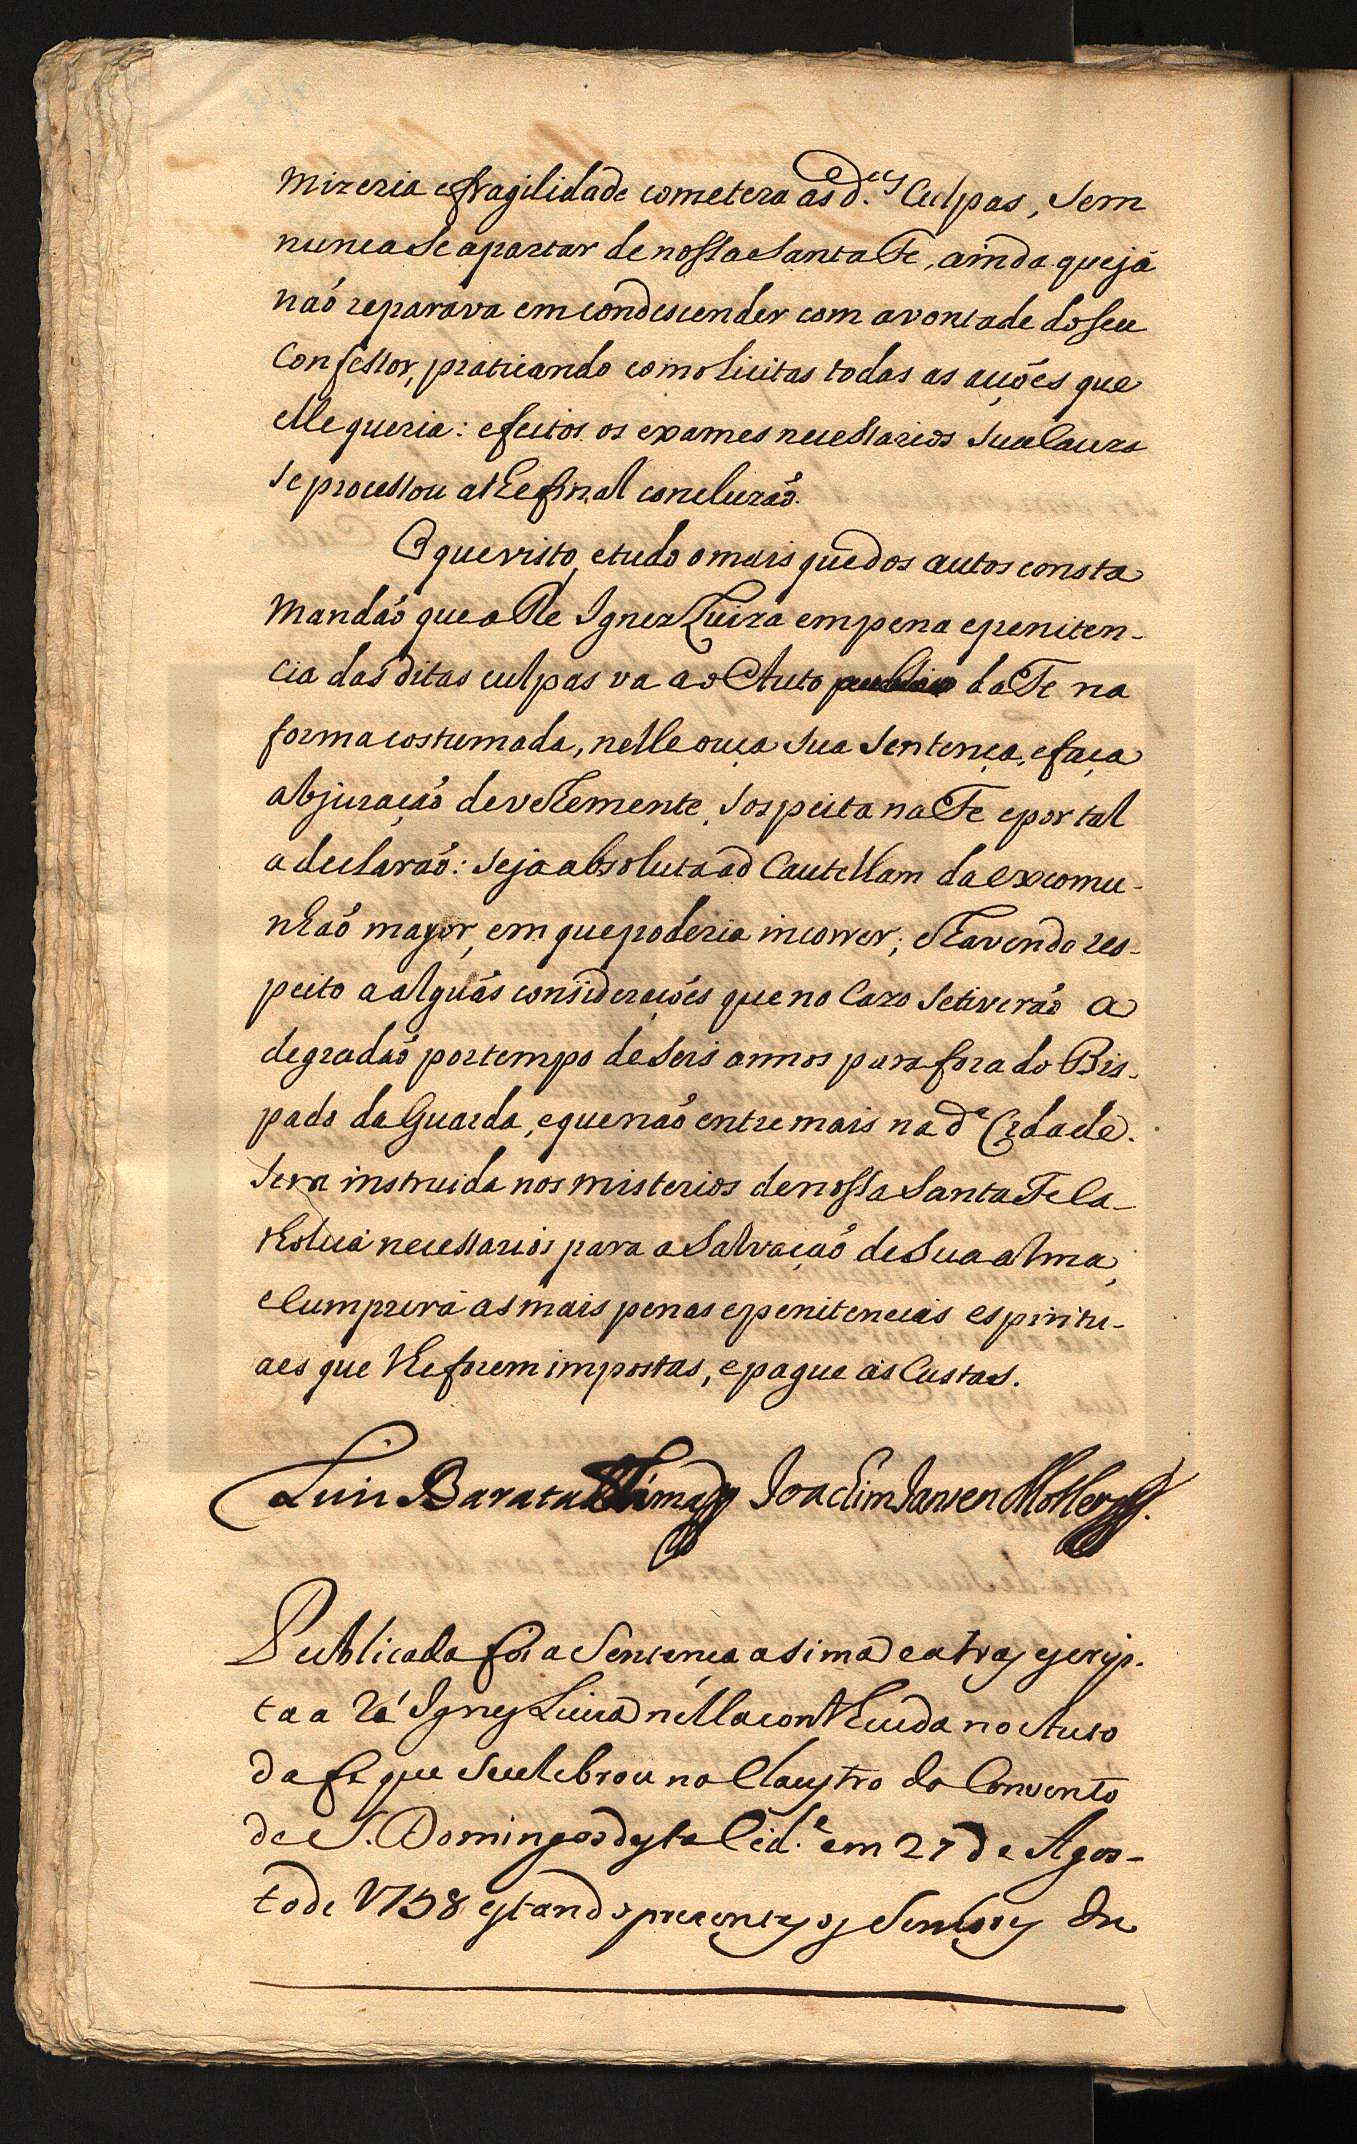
mizeria e fragilidade cometera as d.as culpas, sem
nunca se apartar de nossa Santa Fe, ainda que já
naõ reparava em condescender com a vontade do seu
confessor, praticando como licitas todas as acçoẽs que
elle queria: e feitos os exames necessarios sua cauza
se processou athe final concluzaõ.
O que visto, e tudo o mais que dos autos consta
mandaõ, que a Re Ignez Luiza em pena e peniten
cia das ditas culpas va ao Auto publico da Fe na
forma costumada, nelle ouça sua sentença, e faça
abjuraçaõ de vehemente, sospeita na Fe e por tal
a declaraõ: seja absoluta ad Cautellam da excomu
nhaõ mayor, em que poderia incorrer; e havendo res
peito a alguās considezaçoẽs que no Cazo se tiveraõ a
degradaõ por tempo de seis annos para fora do Bis
pado da Guarda, e que naõ entre mais na da Cidade.
sera instruida nos misterios de nossa Santa Fe Ca
tholica necessarios para a Salvaçaõ de Sua alma,
e cumprirá as mais penas e penitencias espiritu
aes que lhe forem impostas, e pague as Custas.
Luiz Barata d̄ Lima Ioachim Iansen Moller
Pubblicada foi a Sentença asima, e atras escrip
ta a Ré Ignes Luiza nella contheuda no Auto
da fe que se celebrou no Claustro do Convento
de S. Domingos desta Cid.e em 27 de Agos
to de 1758 estando prezentes os Senhores In
